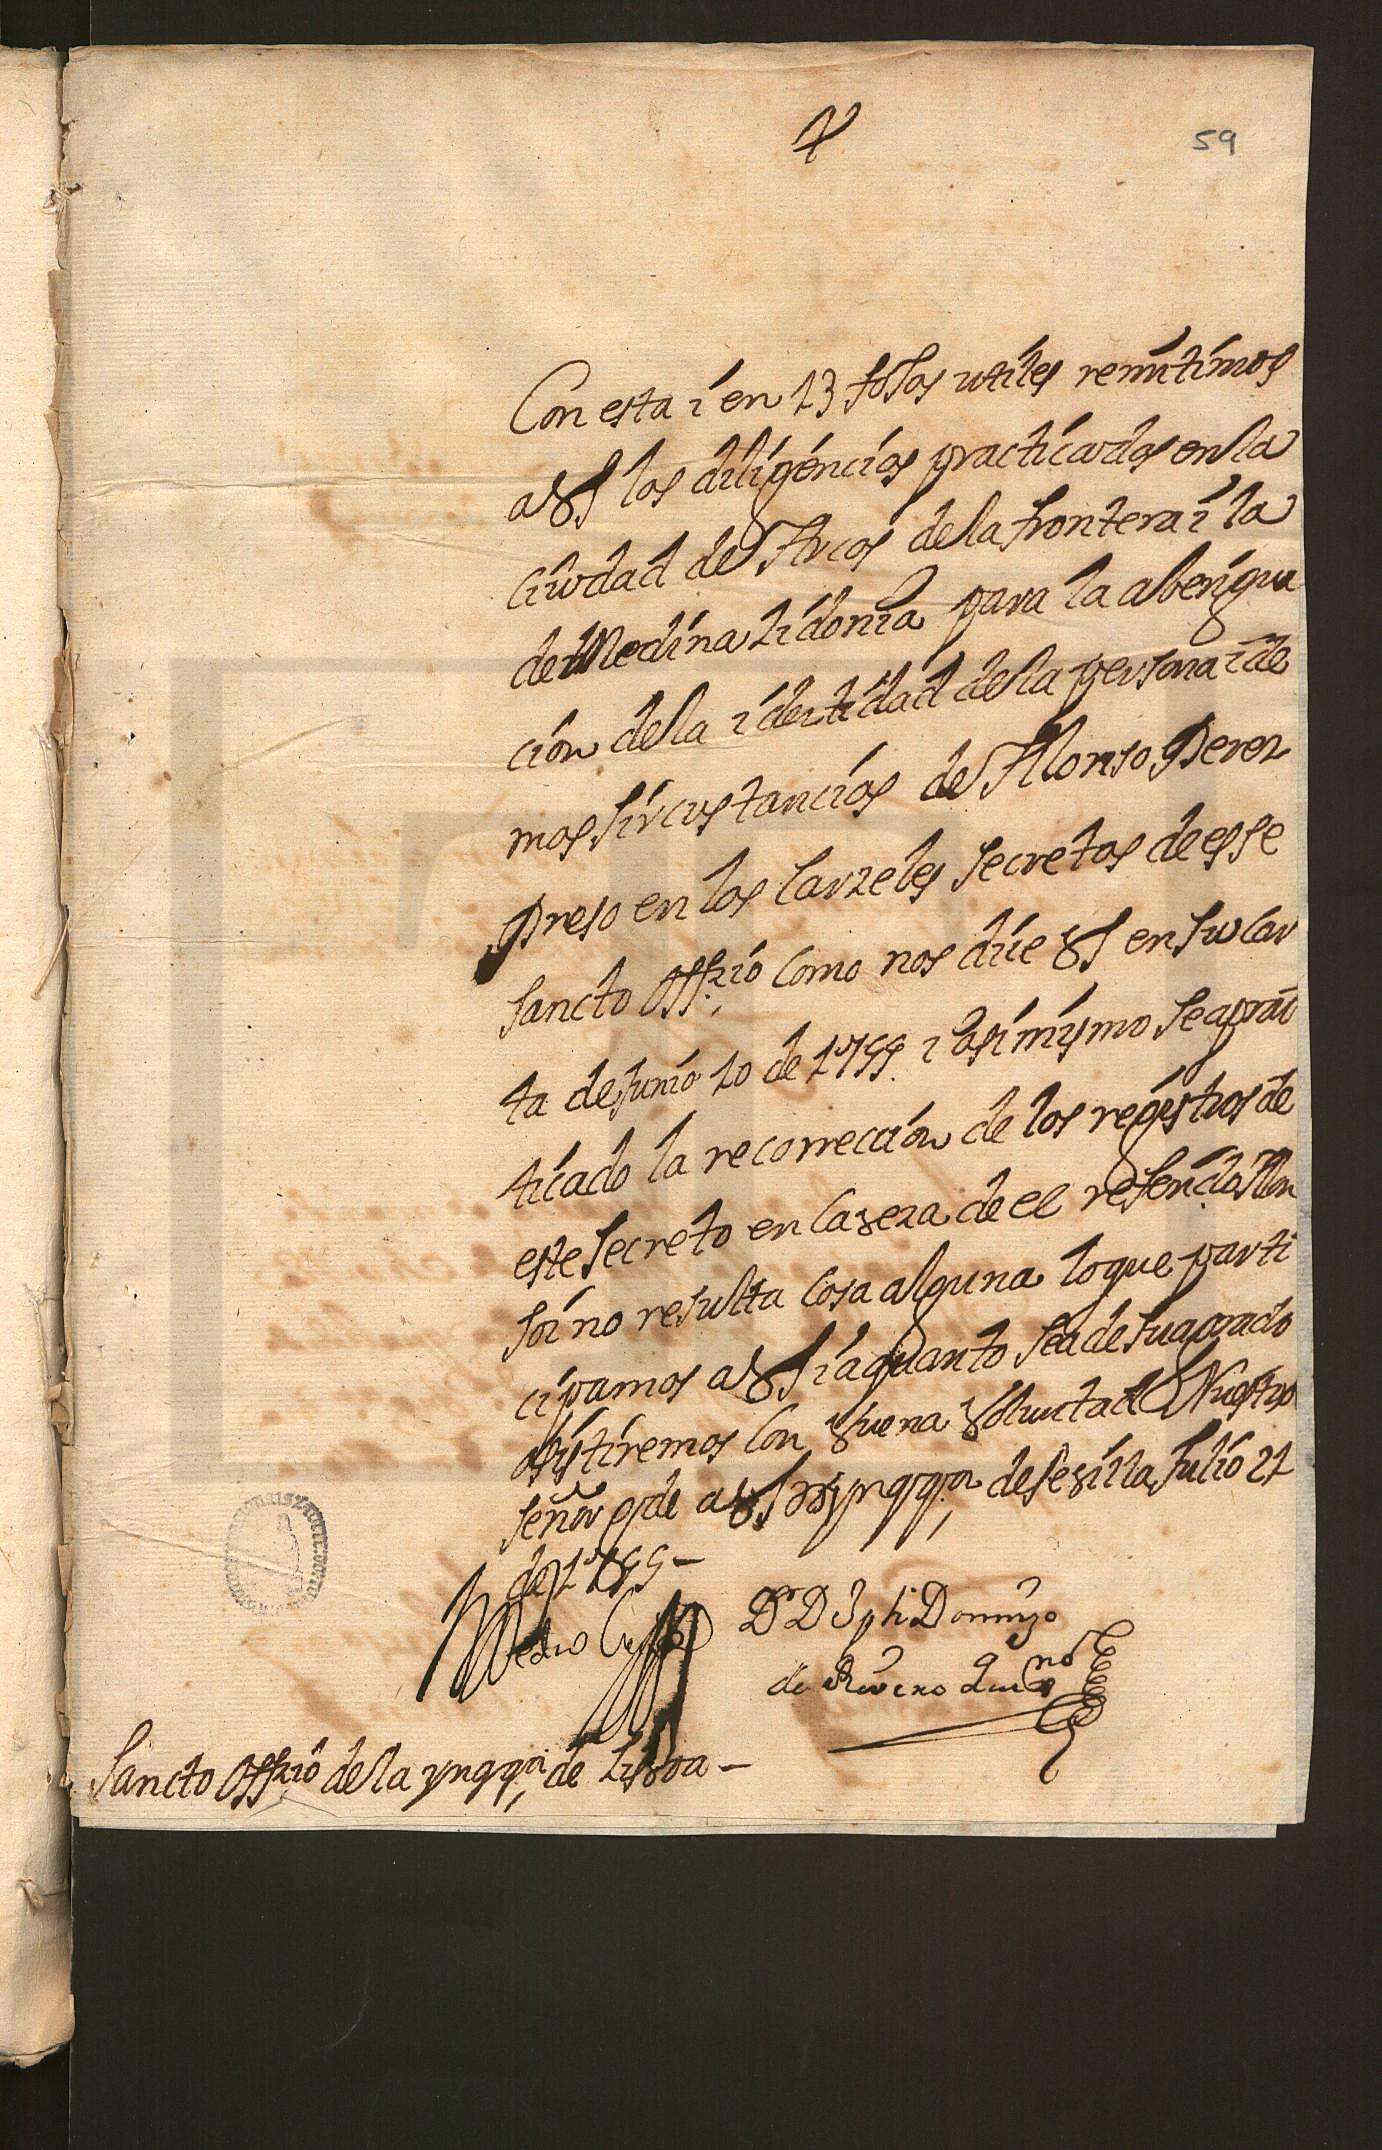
Con esta i en 13 fojas utiles remitimos
a VS las diligencias practicadas en la
Ciudad de Arcos de la frontera i la
de Medina Sidonia para la aberigua
cion de la identidad de la persona i de
mas sircustancias de Alonso Perez
preso en las Carzeles secretas de esse
Sancto Offsio como nos dice VS en su car
ta de Junio 10 de 1755 i asi mismo se a prac
ticado la recorreccion de los registros de
este Secreto en caveza de el referido Alon
so i no resulta cosa alguna lo que parti
cipamos a VS i a quanto sea de su agrado
asistiremos con Vuena Voluntad Nuestro
Señor gde a VS & Ynqq.on de Sevilla Julio 21
de 1755
Pedro Curiel Dor D Iph Domingo
de Rivero Quixno
Sancto Off.zio dela ynqq.a de Lisvoa
